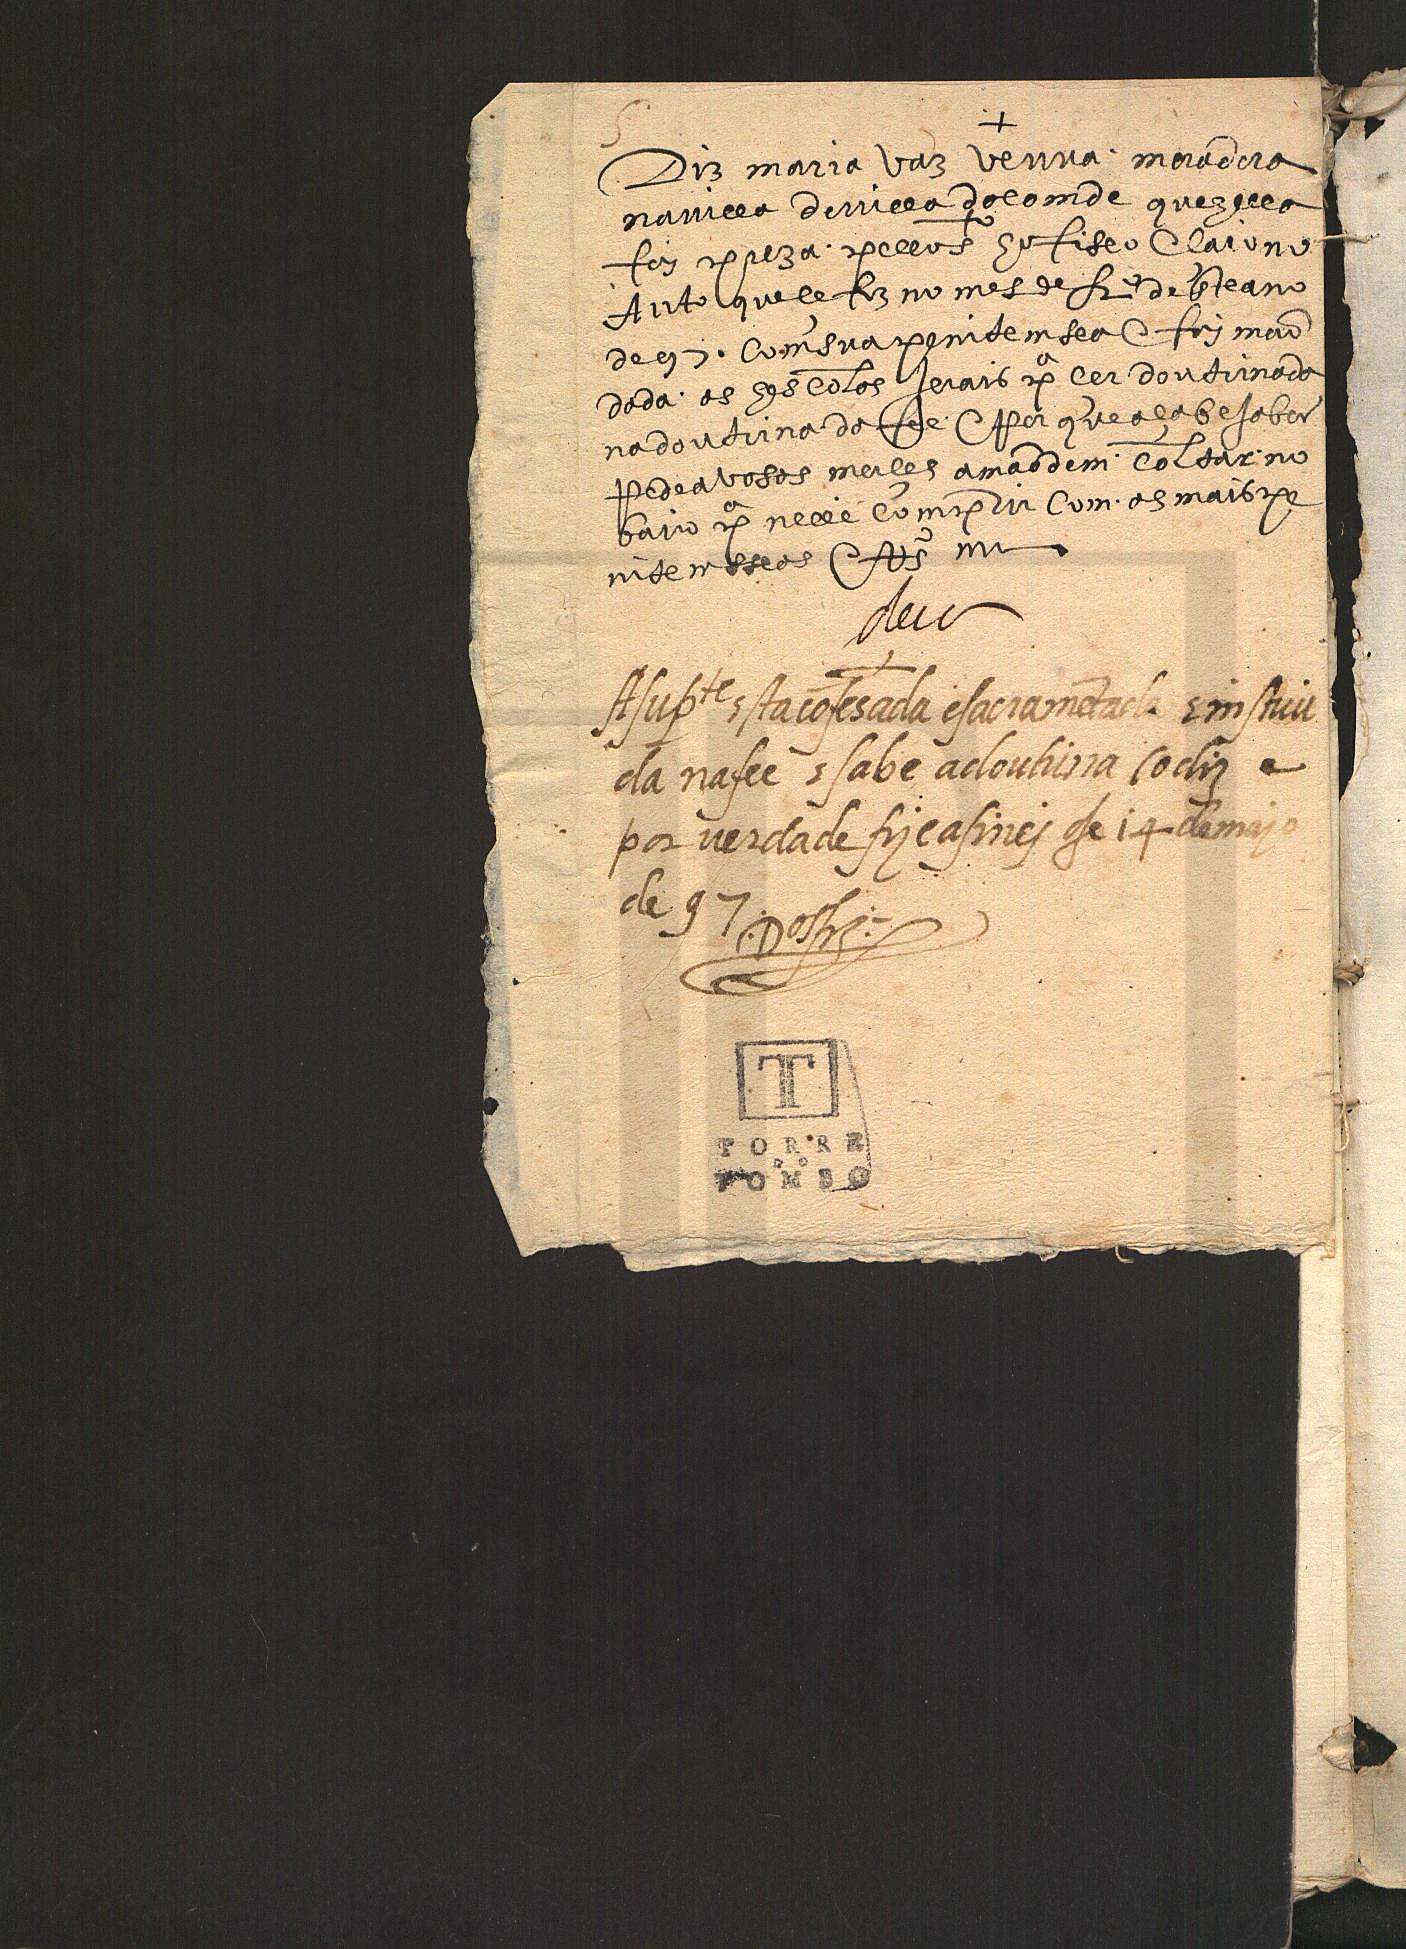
Diz maria vaz veuua moradora
na uilla de uilla do comde que hella
foy preza pello sto hofiseo e çaio no
Auto que çe fez no mes de fro deste ano
de 97. com sua penitemsea e foy maõ
dada as hescolas Jerais pa çer doutrinada
na doutrina da fee e porque a çabe Ja bē
pede a vosas merçes a maõdem coltar no
bairo pa nelle comprir com as mais pe
nitemsseas e Rꝭo mr
deca
A supte esta cōfesada e sacramētada E instrui
da na fee E sabe a doutrina co diz e
por uerdade fiz e asinej oJe i4 de majo
de 97.
